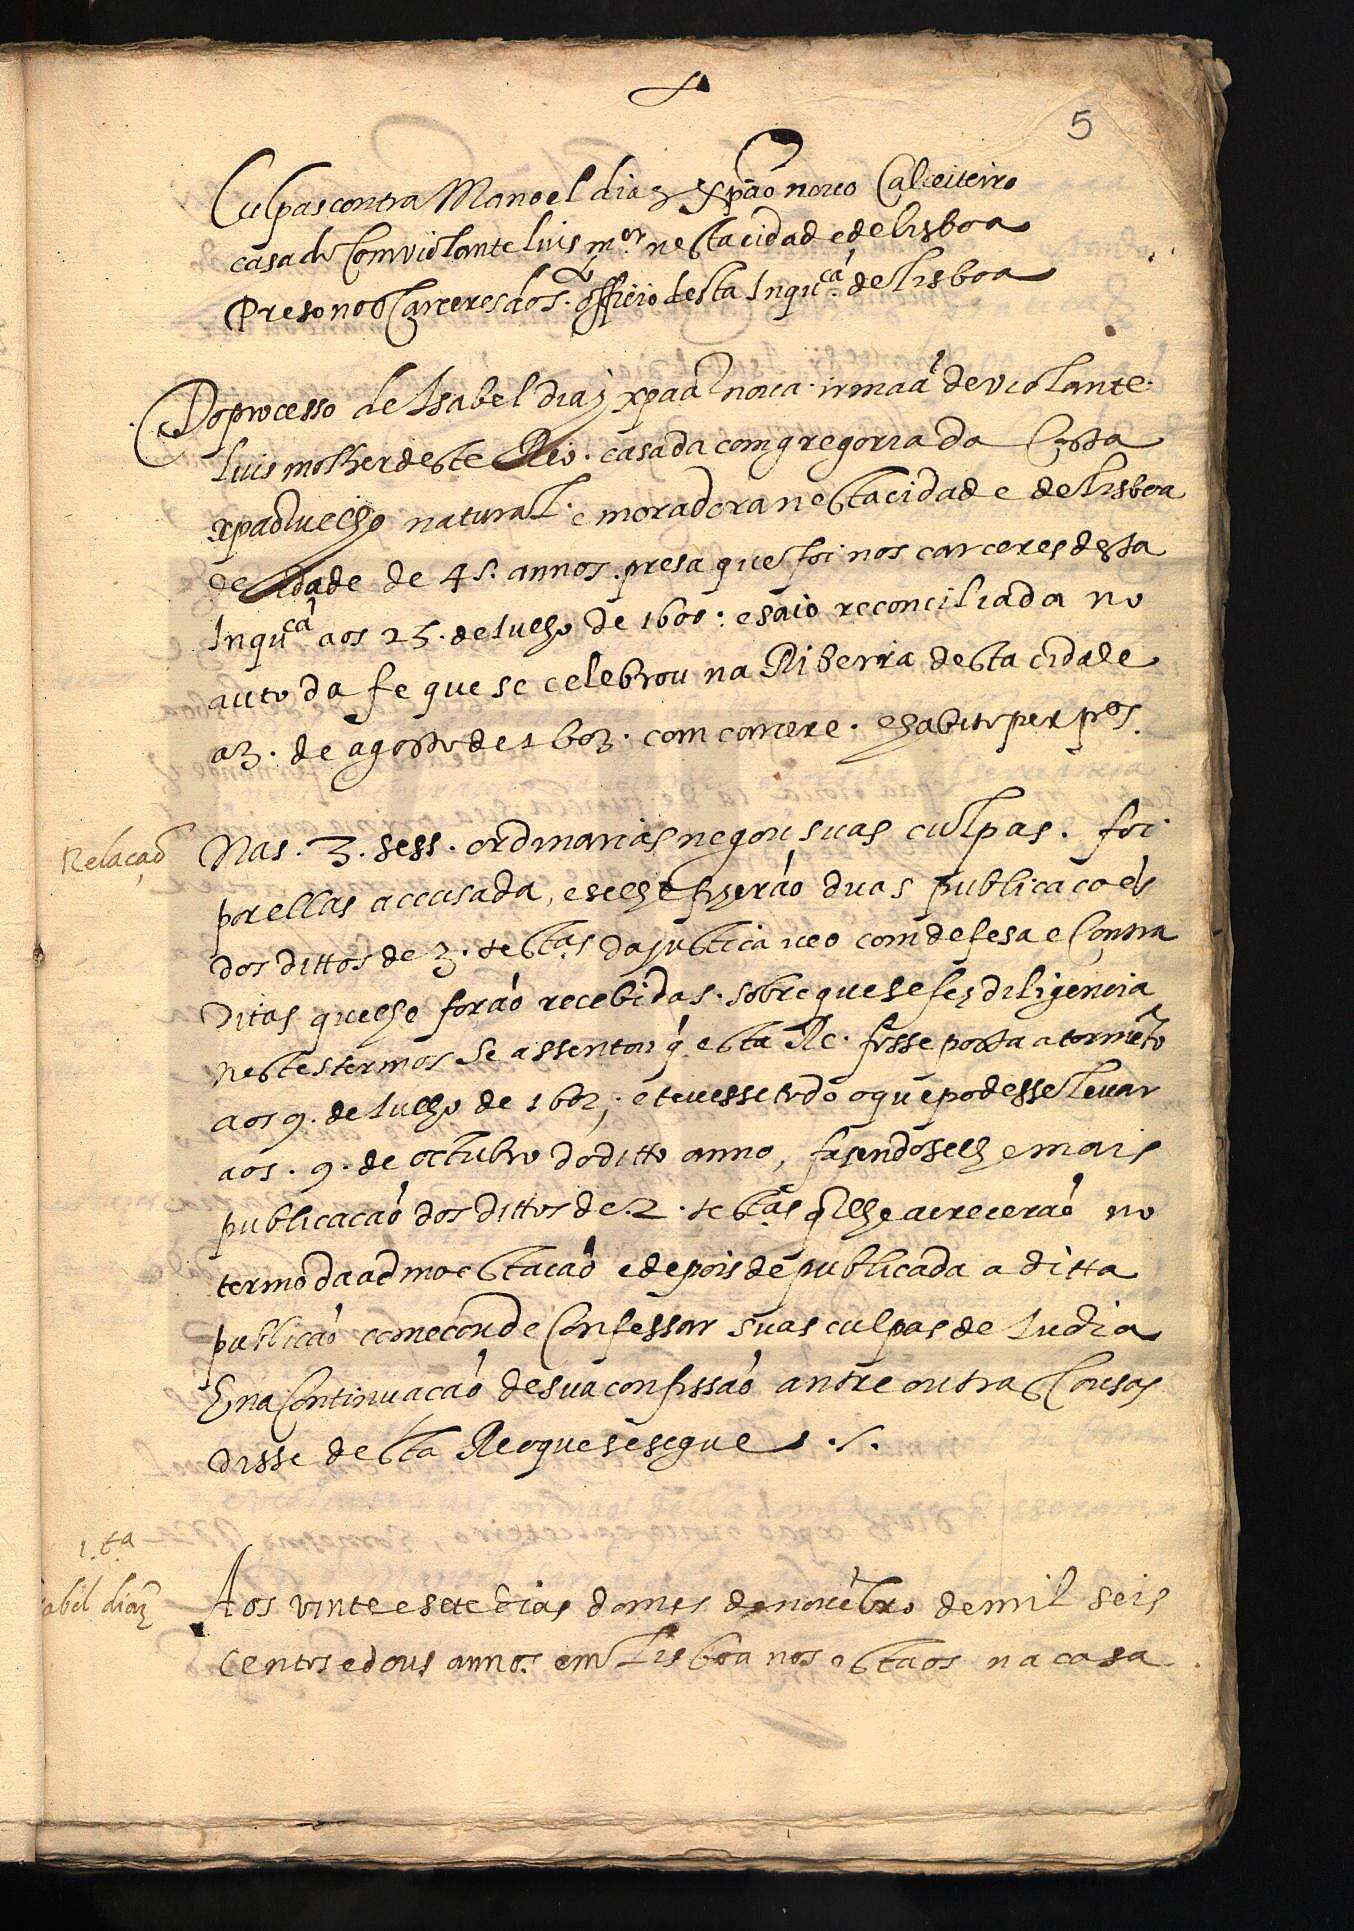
Culpas contra Manoel diaz Xpão nouo Calceiteiro
casado Com violante luis mor nesta cidade de lisboa
Preso nos Carceres do s.to officio desta Inqu.cā de lisboa
Do processo de Isabel diaz xpaā noua irmaā de violante
luis molher deste Reo. casada com gregoria da Costa
xpaõ uelho natural e moradora nesta cidade de lisboa
de idade de 45. annos presa que foi nos carceres desta
Inqucā aos 23. de Iulho de I6oo: e saio reconciliada no
auto da fe que se celebrou na Riberia desta cidade
a 3. de agosto de i6o3. com carcere. e habito perpos.
nas .3. sess. ordinarias negou suas culpas. foi
por ellas accusada, e se lhe fizerão duas publicacoẽs
dos dittos de 3. testas da justica ueo com defesa e Contra
ditas que lhe foraõ recebidas. sobre que se fez diligencia
nestes termos se assentou q̄ esta Re. fosse posta a tormēto
aos 9. de Iulho de I6o2; e teuesse tudo o que podesse leuar
aos .9. de octubro do ditto anno, fazendoselhe mais
publicacaõ dos dittos de .2. testas q̄ lhe acreceraõ no
termo da admoestacaõ e depois de publicada a ditta
publicaõ comecou de Confessar suas culpas de Iudia
E na Continuaçaõ de sua confissaõ antre outras Cousas
disse desta Re o que se segue ./.
Aos vinte e sete dias do mes de nouēbro de mil seis
centos e dous annos em Lisboa nos estaos na casa
